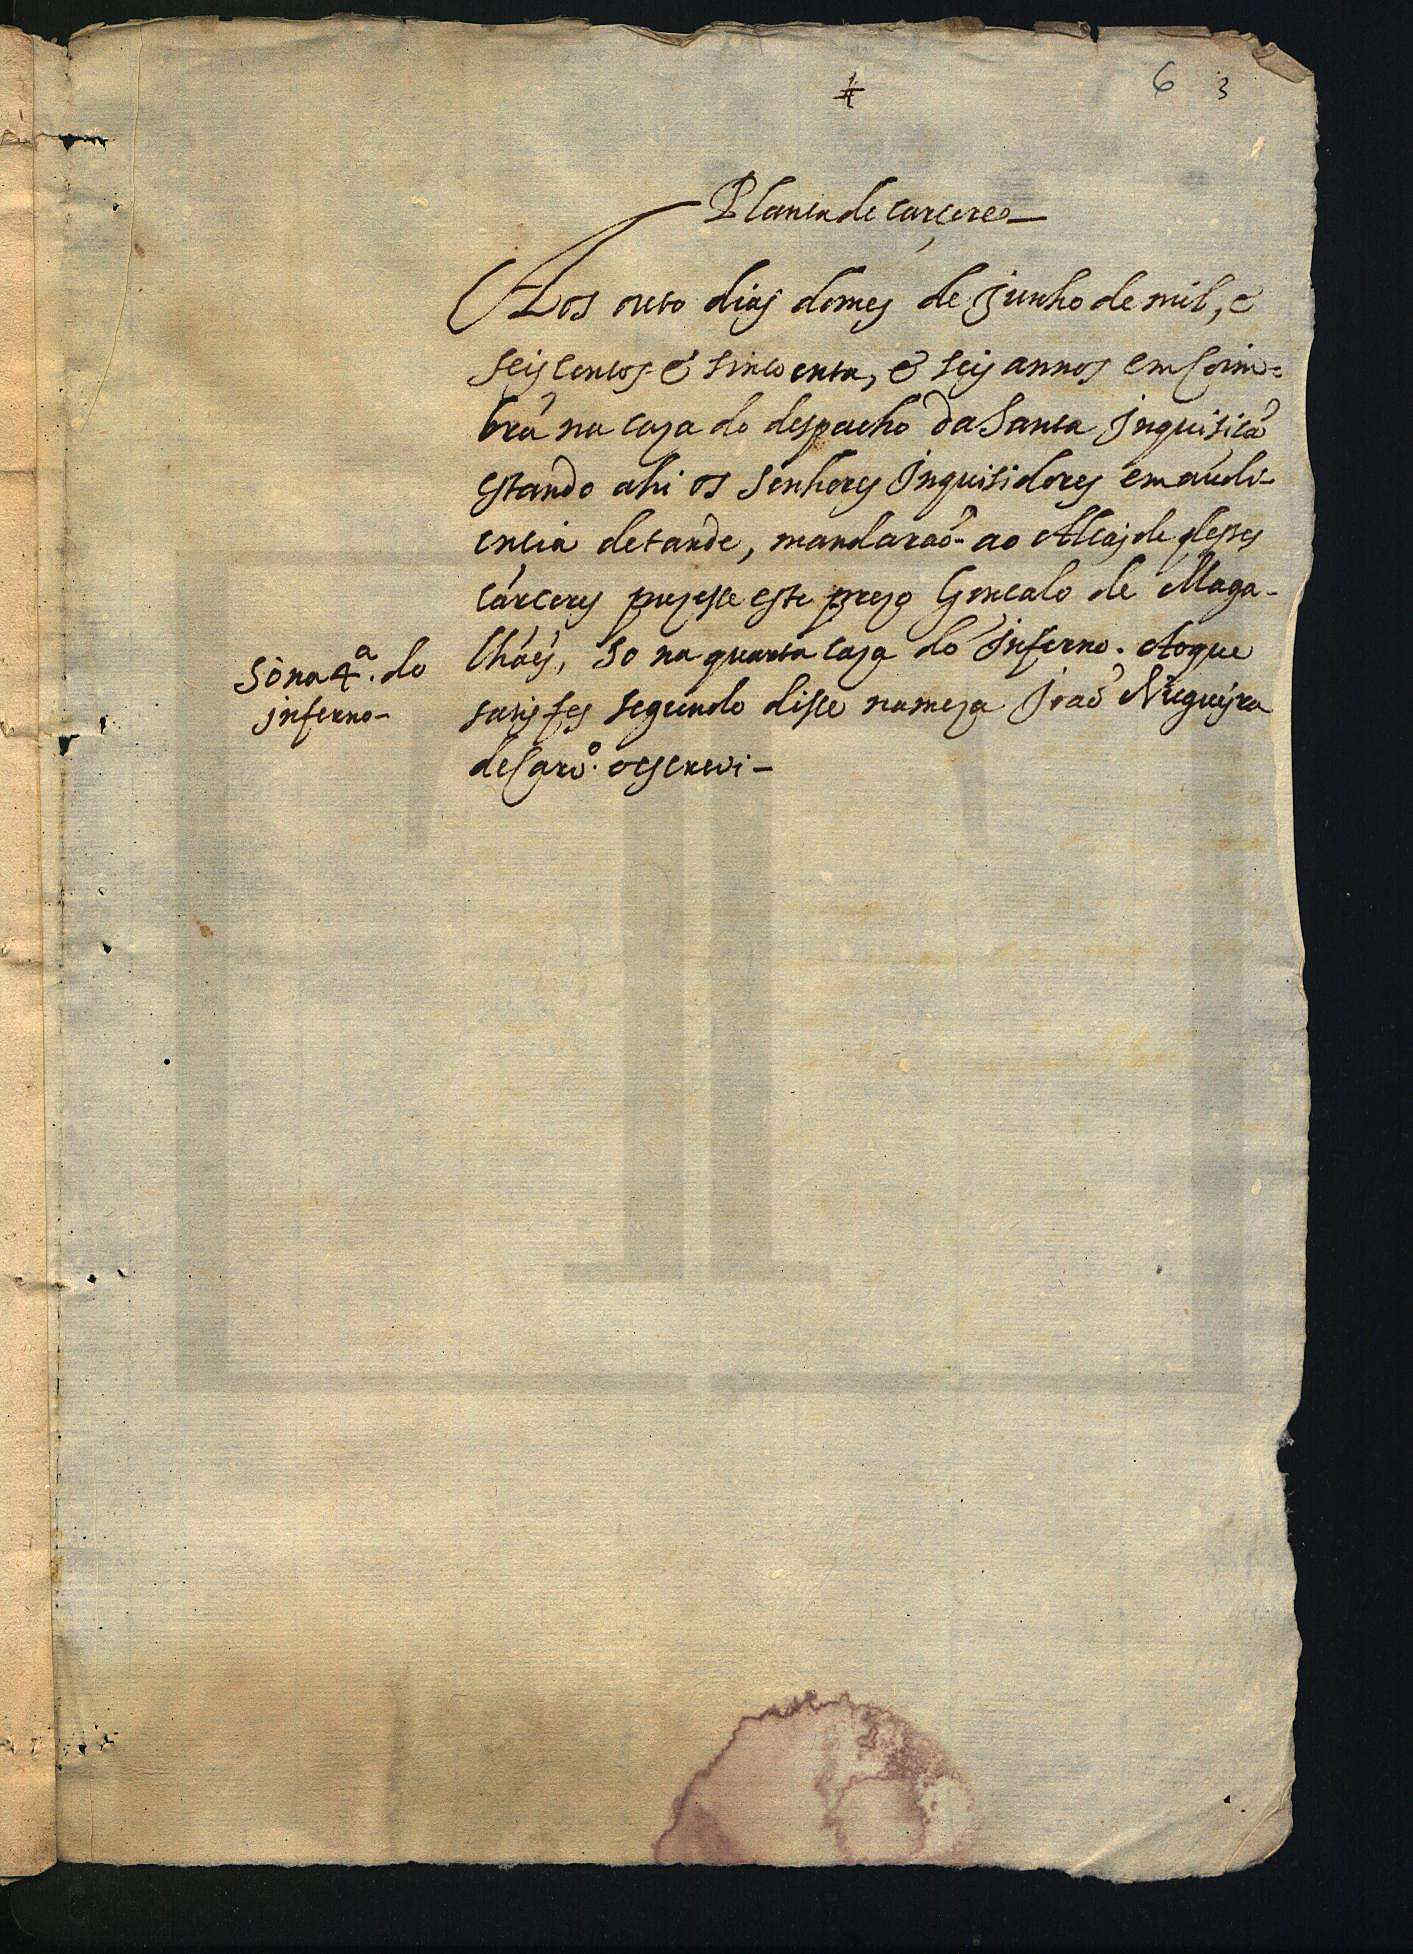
Sò na 4.a do
jnferno -
Planta de carcere –
Aos outo dias do mes de Junho de mil, &
seiscentos & sincoenta, & seis annos em Coim
bra na caza do despacho da Santa Jnquisiçaõ
estando ahi os Senhores Inquisidores em audi
encia de tarde, mandarão ao Alcajde desses
carceres puzesse este prezo Gonçalo de Maga
lhães, so na quarta caza do Inferno. Ao que
satisfes segundo disse na meza Joaõ Nuguejra
de Carv.o o escrevi -
